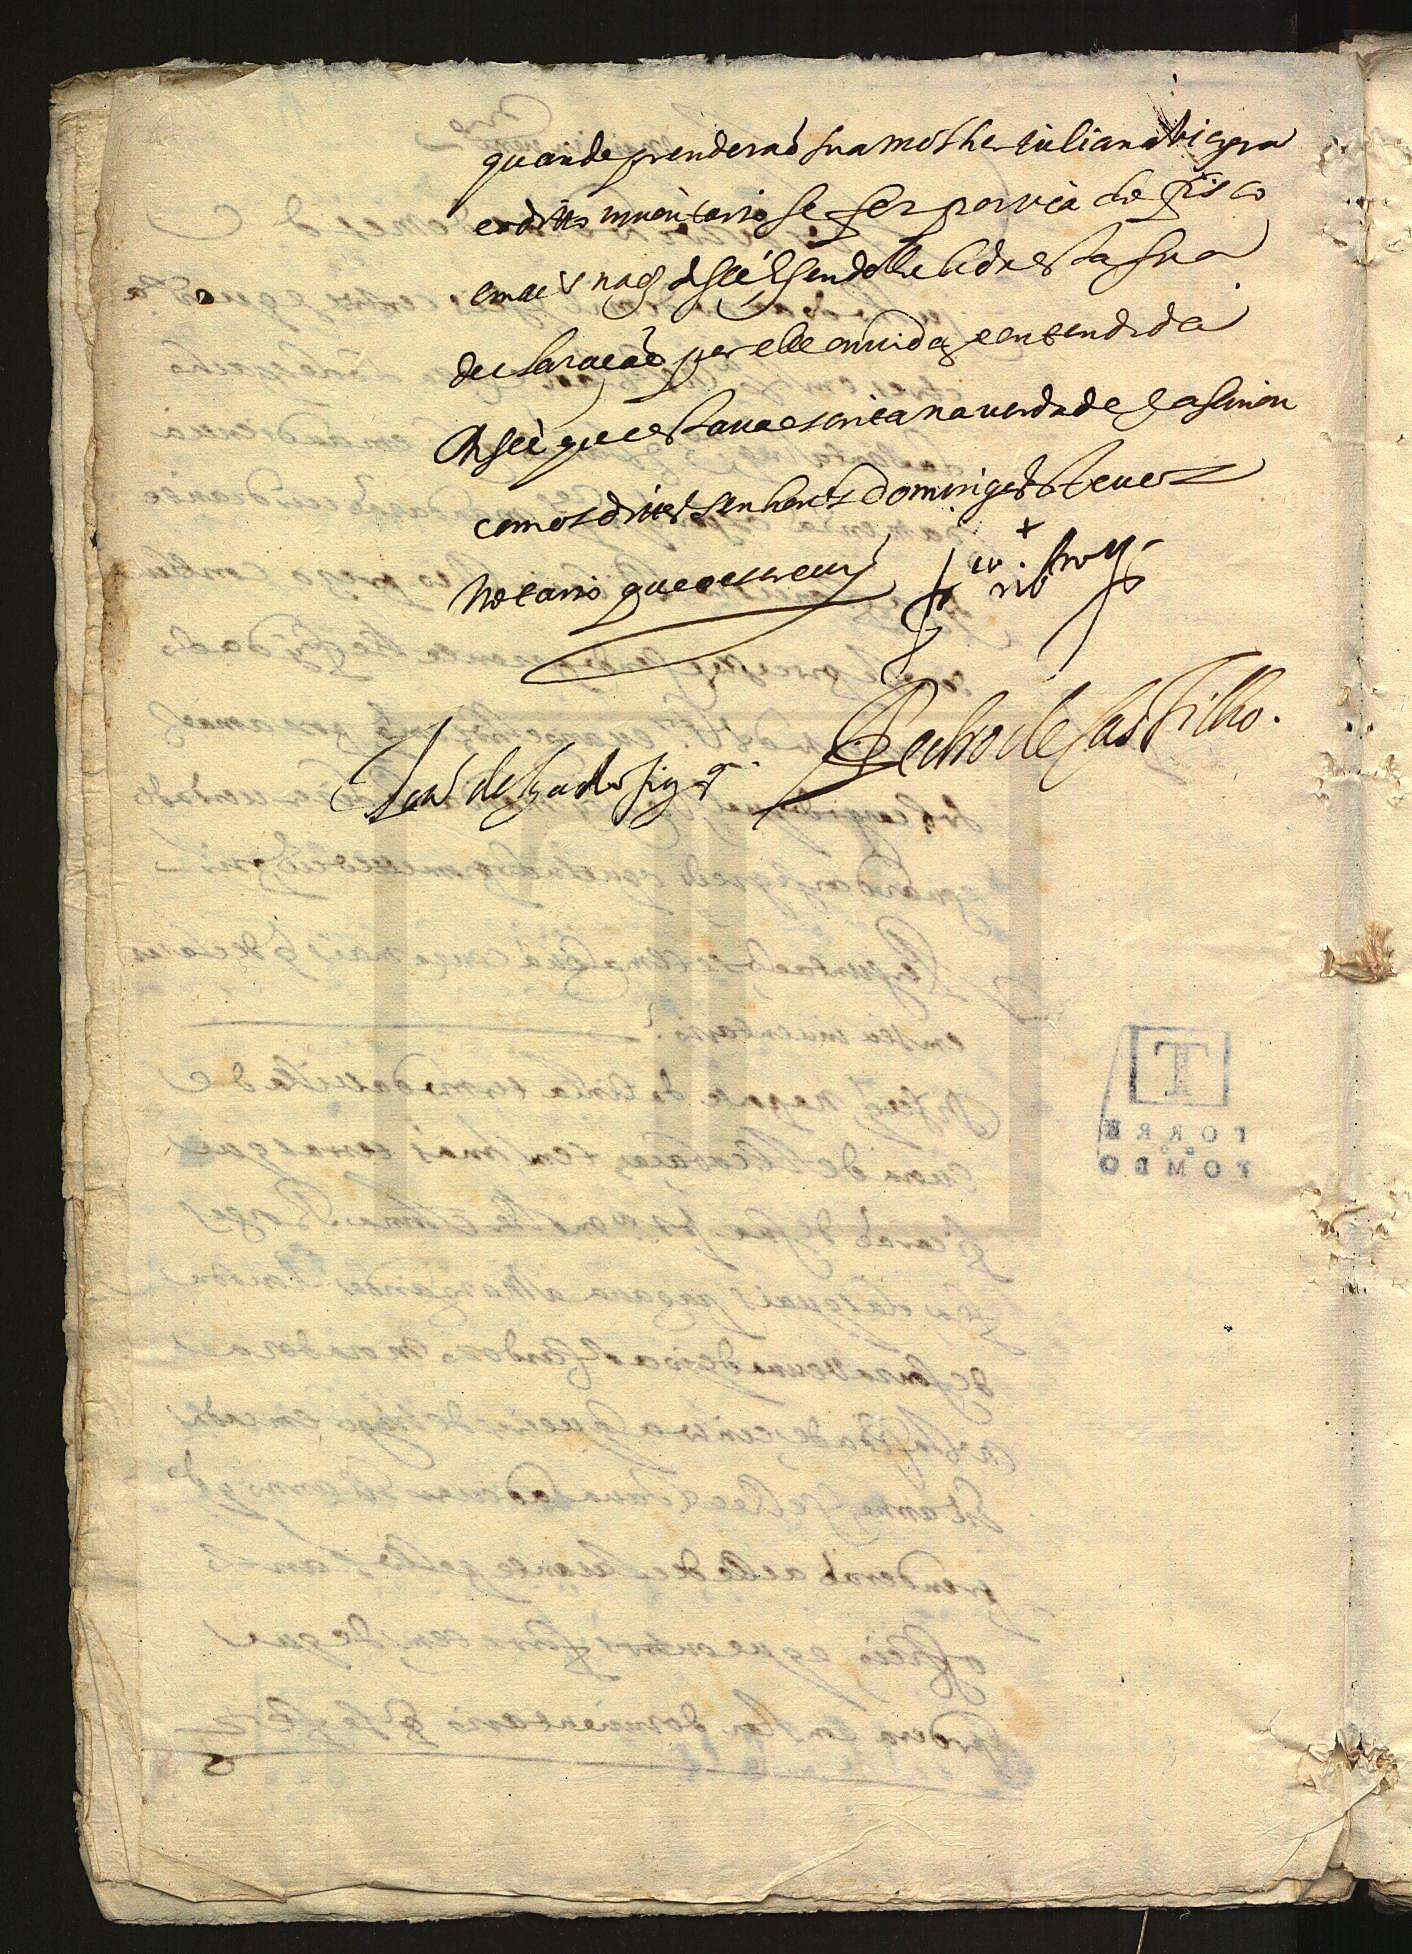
quando prenderaõ sua molher iuliana vieyra
e o ditto inuentario se fez por via do fisco
e maes naõ disse, E sendolhe lida esta sua
declaraçaõ por elle ouuida, e entendida
Disse que estaua escrita na uerdade, e assinou
com os dittos senhores domingos esteuez
notario que o escreuj
